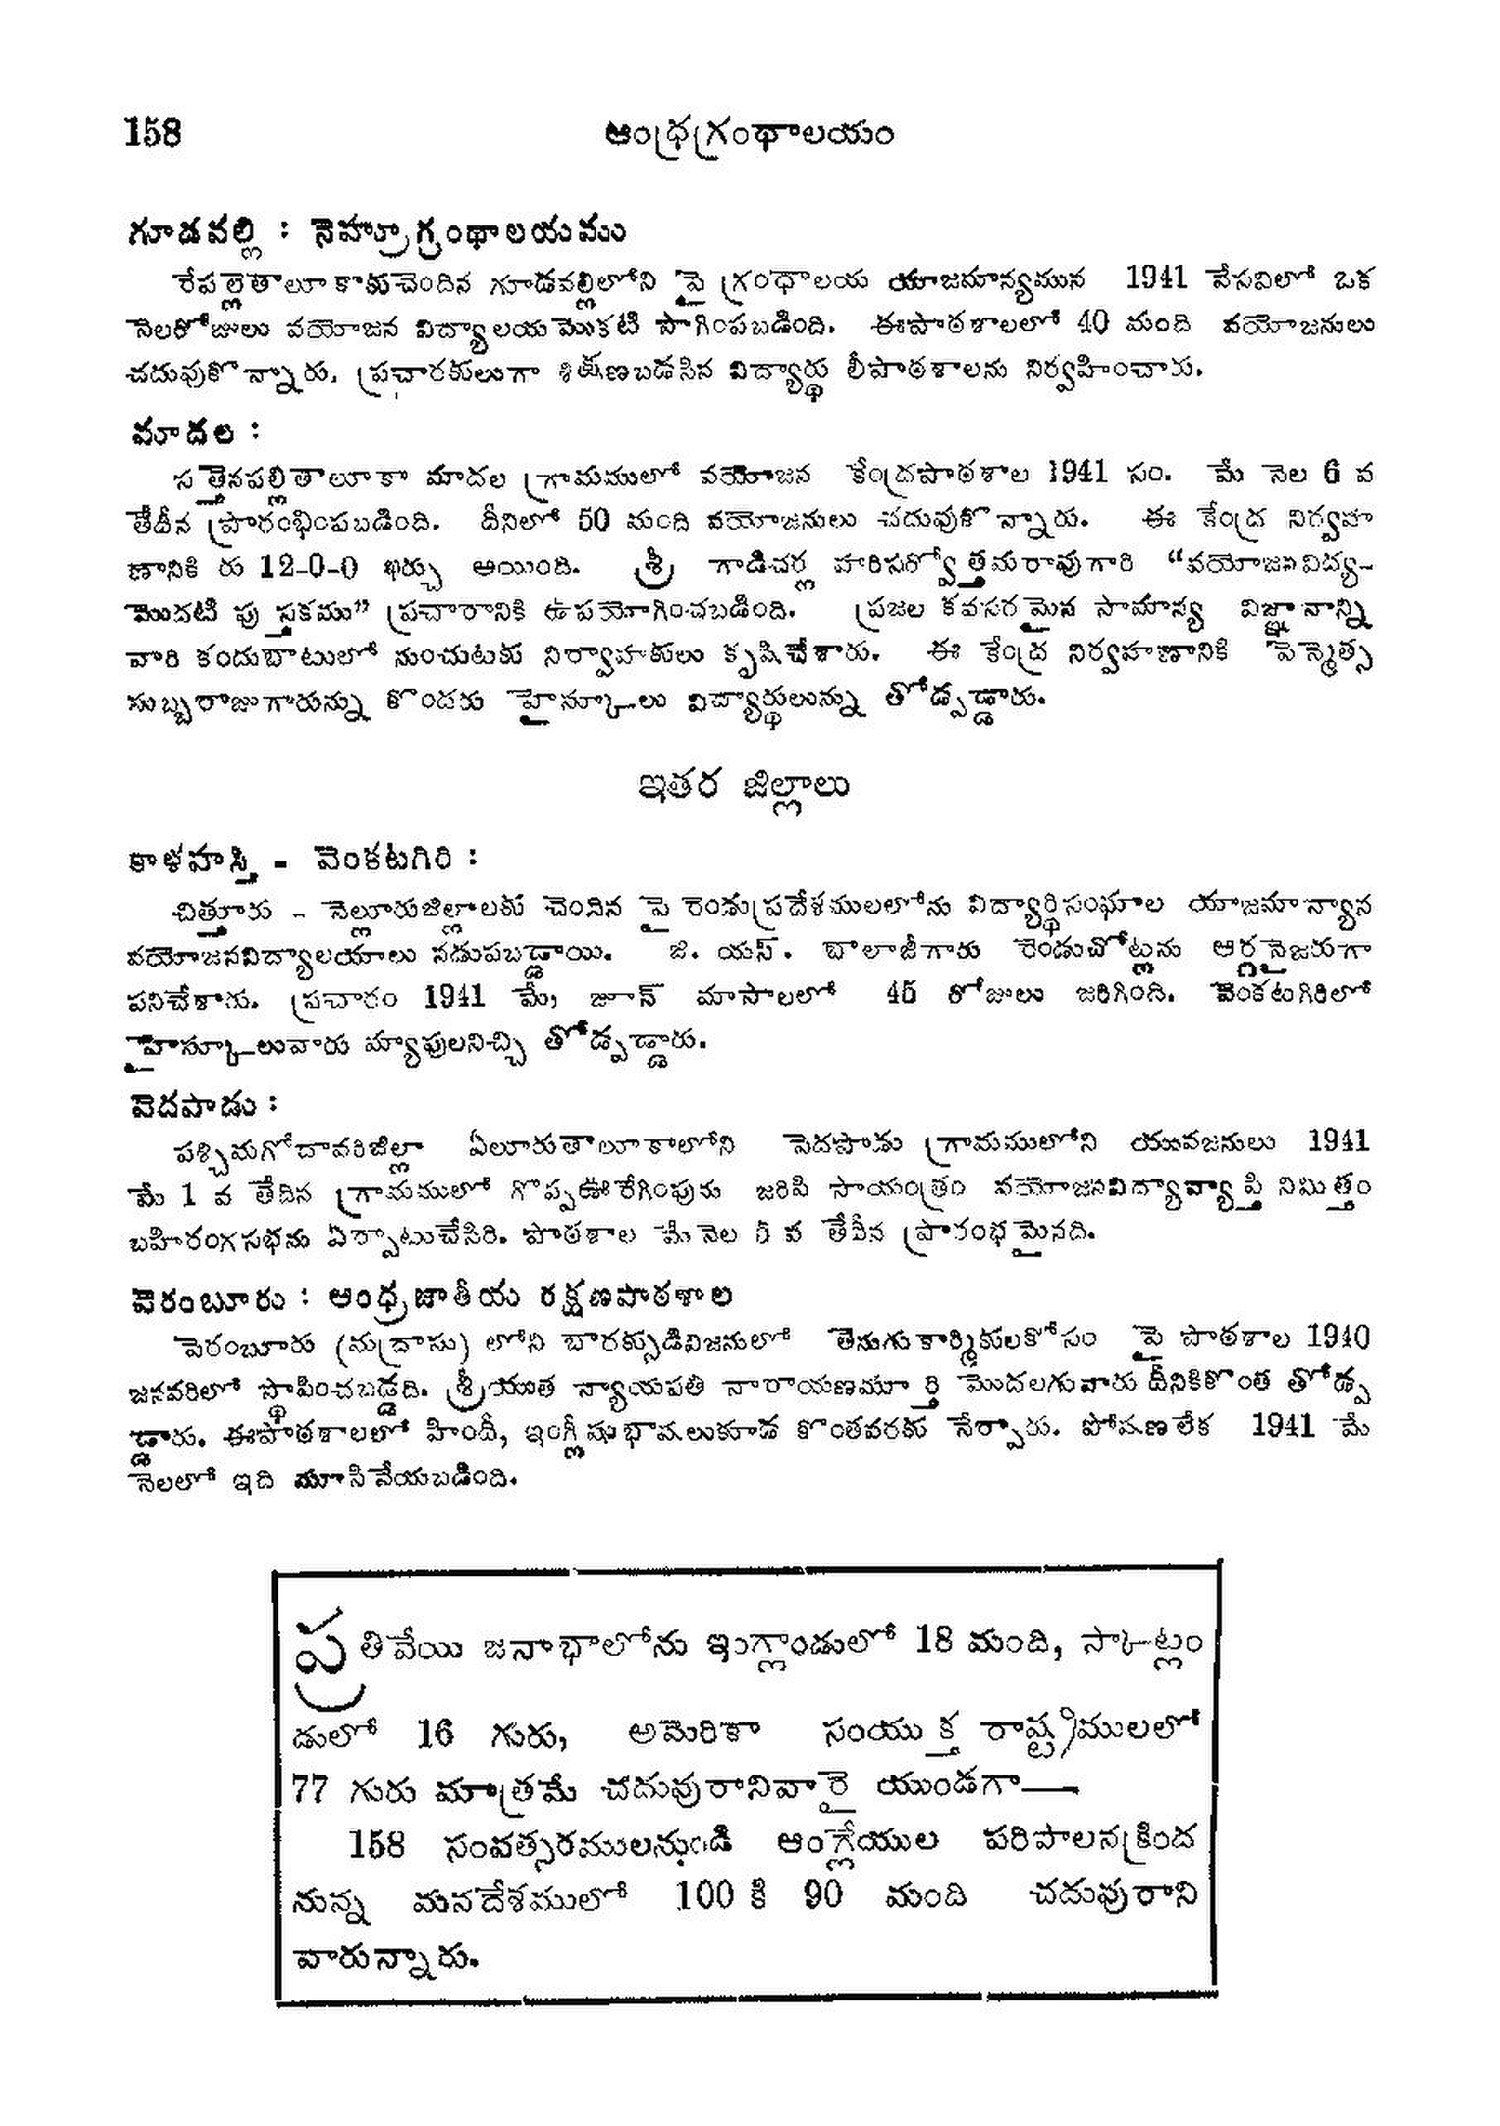గూడవల్లి: నెహ్రూ గ్రంథాలయము

రేపల్లె తాలూకాకు చెందిన గూడవల్లిలోని పై గ్రంధాలయ యాజమాన్యమున 1941 వేసవిలో ఒక నెలరోజులు వయోజన 
విద్యాలయ మొకటి సాగింపబడింది. ఈపాఠశాలలో 40 మంది వయోజనులు చదువుకొన్నారు, ప్రచారకులుగా శిక్షణబడసీన 
విద్యార్థు లీపాఠశాలను నిర్వహించారు.

మాదల:

సత్తెనపల్లి తాలూకా మాదల గ్రామములో వయోజన కేంద్రపాఠశాల 1941 సం. మే నెల 6 వ తేదీన ప్రారంభింపబడింది. 
దీనిలో 50 మంది వయోజనులు చదువుకొన్నారు. ఈ కేంద్ర నిర్వహణానికి రు 12-0-0 ఖర్చు అయింది. శ్రీ గాడిచర్ల 
హరిసర్వోత్తమరావు గారి “వయోజన విద్య - మొదటి పుస్తకము" ప్రచారానికి ఉపయోగించబడింది. ప్రజల కవసరమైన 
సామాన్య విజ్ఞానాన్ని వారి కందుబాటులో నుంచుటకు నిర్వాహకులు కృషి చేశారు. ఈ కేంద్ర నిర్వహణానికి పెన్మెత్స
సుబ్బరాజు గారున్ను కొందరు హైస్కూలు విద్యార్థులున్ను తోడ్పడ్డారు.

కాళహస్తి - వెంకటగిరి :

చిత్తూరు - నెల్లూరు జిల్లాలకు చెందిన పై రెండు ప్రదేశములలోను విద్యార్థి సంఘాల యాజమాన్యాన వయోజనవిద్యాలయాలు నడుపబడ్డాయి. జి. యస్. బాలాజీగారు రెండుచోట్లను ఆర్గనైజరుగా పనిచేశారు. ప్రచారం 1941 మే, జూన్ మాసాలలో
40 రోజులు జరిగింది. వెంకటగిరిలో హైస్కూలువారు మ్యాపులనిచ్చి తోడ్పడ్డారు.

వెదపాడు :

పశ్చిమగోదావరిజిల్లా ఏలూరు తాలూకాలోని పెదపాడు గ్రామములోని యువజనులు 1941 మే 1 వ తేదిన గ్రామములో గొప్ప 
ఊరేగింపుకు జరిపి సాయంత్రం వయోజన విద్యావ్యాప్తి నిమిత్తం బహిరంగ సభను ఏర్పాటుచేసిరి. పాఠశాల మే నెల 5వ తేదీన ప్రారంభమైనది.

పెరంబూరు : ఆంధ్రజాతీయ రక్షణపాఠశాల

పెరంబూరు (నుద్రాసు) లోని బారక్సుడివిజనులో తెలుగు కార్మికులకోసం పై పాఠశాల 1940 జనవరిలో స్థాపించబడ్డది. 
శ్రీయుత న్యాయపతి నారాయణమూర్తి మొదలగు వారు దీనికి కొంత తోడ్పడ్డారు. ఈపాఠశాలలో హిందీ, ఇంగ్లీషు 
భాషలుకూడ కొంతవరకు నేర్పారు. పోషణ లేక 1941 మే నెలలో ఇది మూసి వేయబడింది.
 
+ Caption text పతివేయి జనాభాలోను ఇంగ్లాండులో 18 మంది, స్కాట్లండులో 16 గురు, అమెరికా సంయుక్త రాష్ట్రములలో 77 గురు మాత్రమే చదువు రానివారైయుండగా 158 సంవత్సరముల నుండి ఆంగ్లేయుల పరిపాలనక్రిందనున్న మనదేశములో 100కి 90మంది చదువురానివారున్నారు.